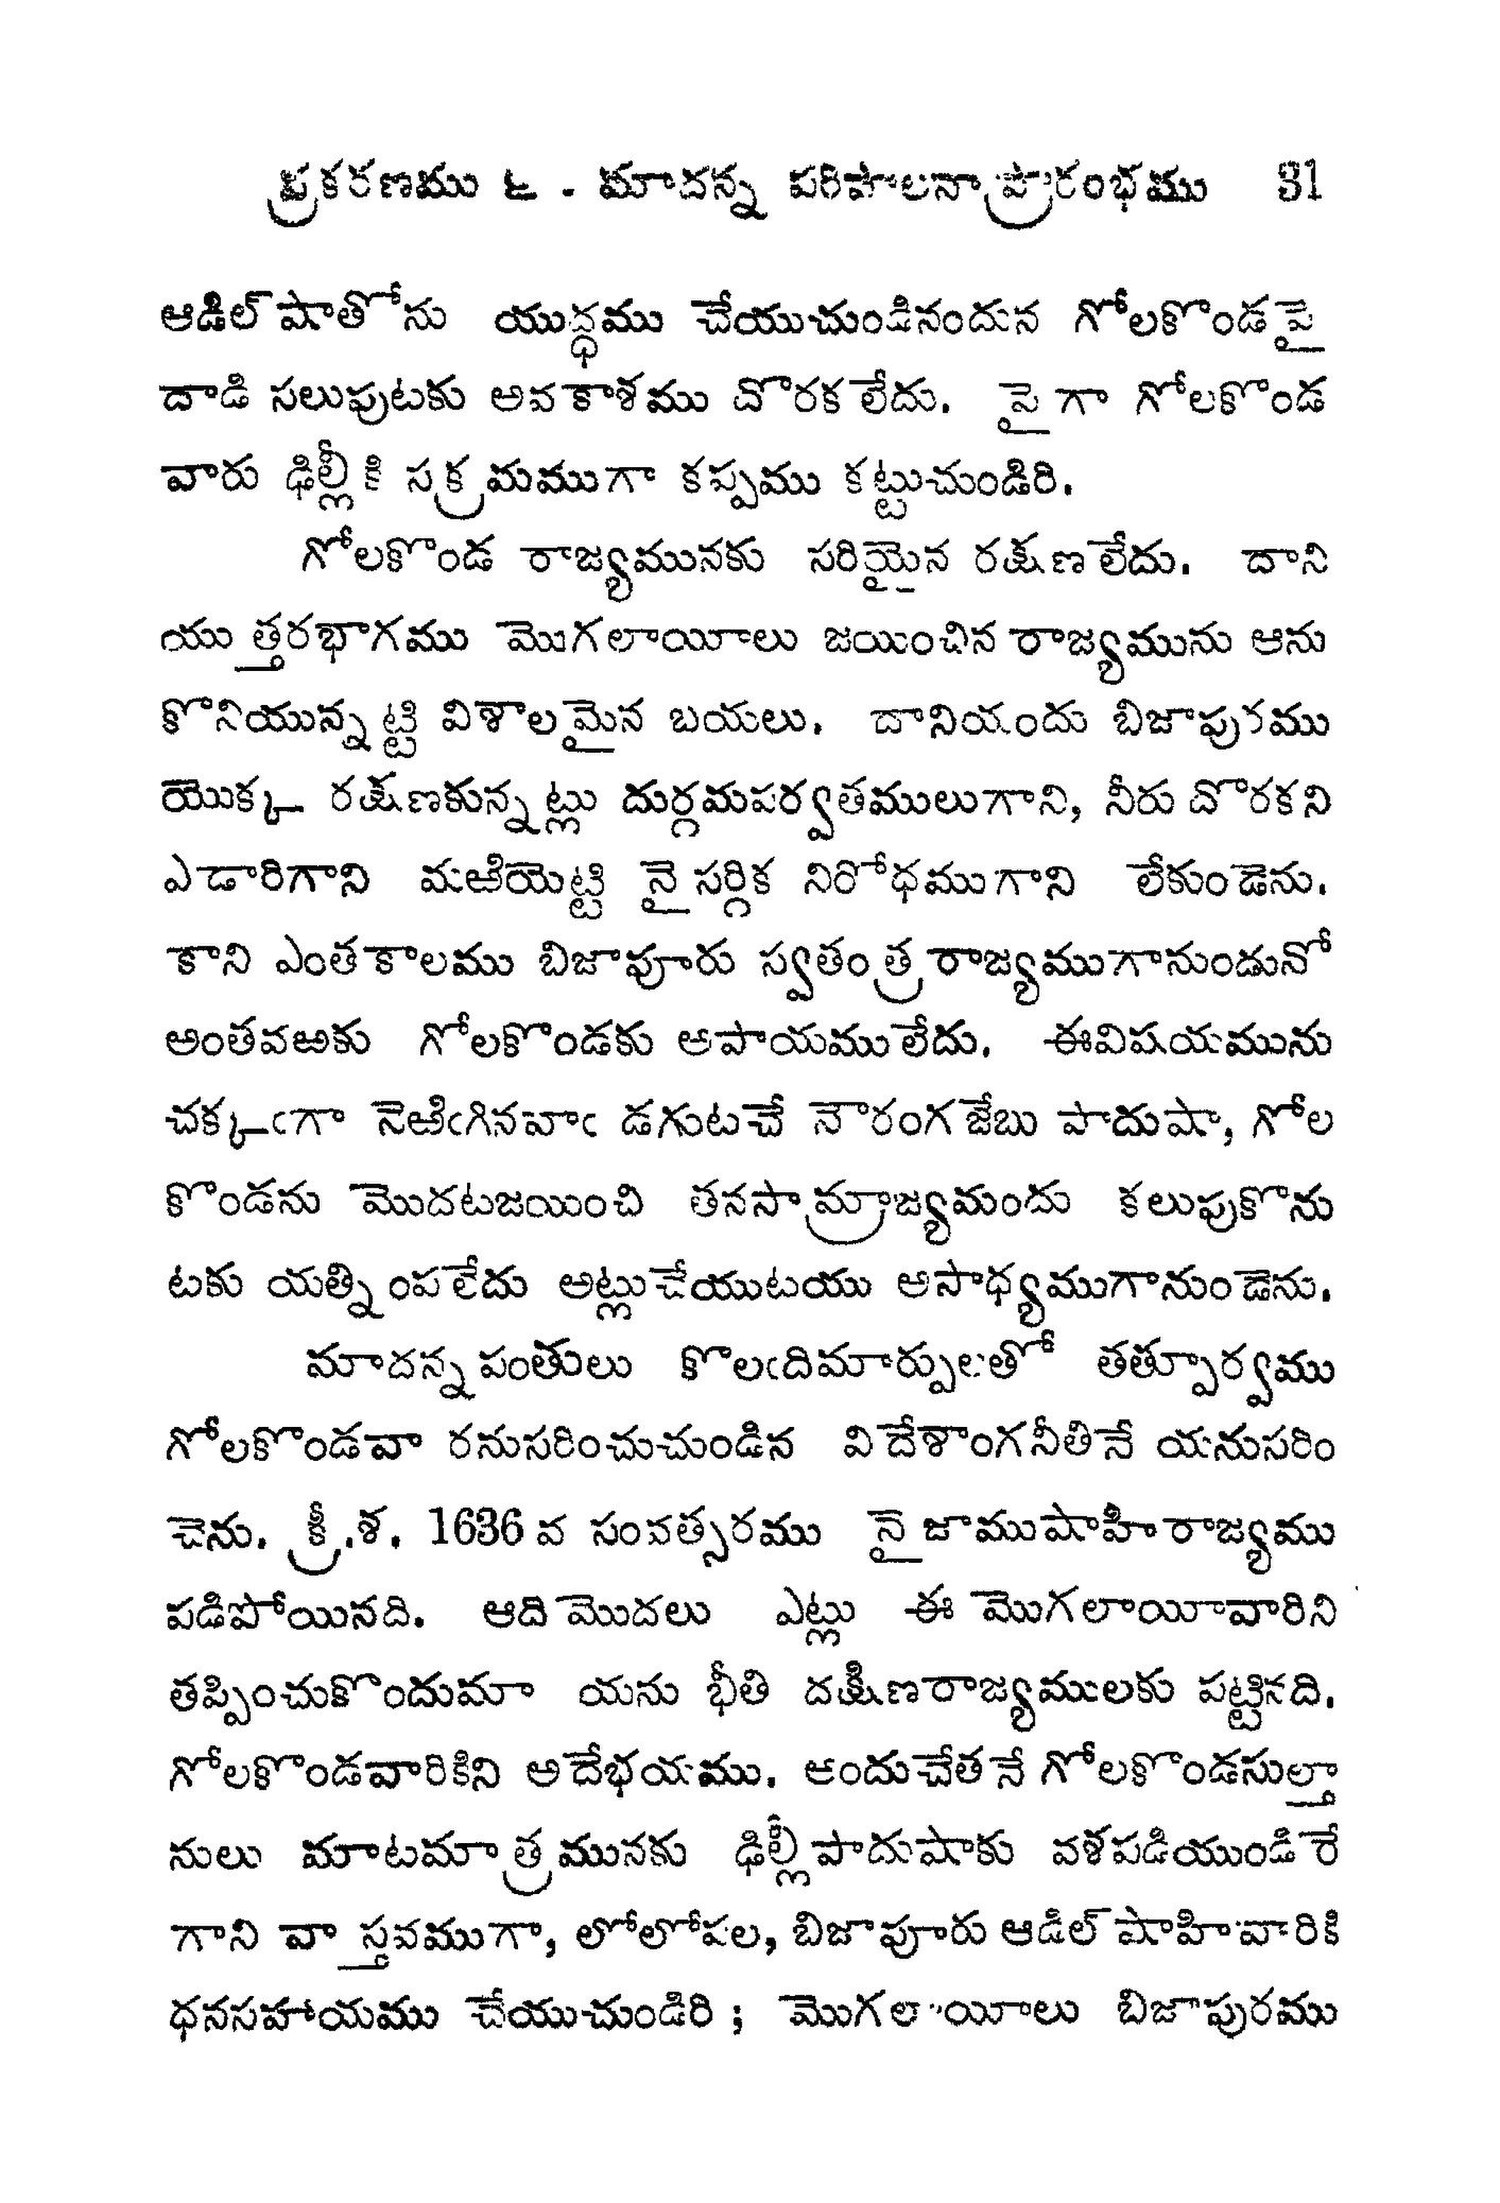ఆడిల్‌షాతోను యుద్ధము చేయుచుండినందున గోలకొండపై దాడి సలుపుటకు అవకాశము దొరకలేదు. పైగా గోలకొండ వారు ఢిల్లీకి సక్రమముగా కప్పము కట్టుచుండిరి.

గోలకొండ రాజ్యమునకు సరియైన రక్షణ లేదు. దాని యుత్తరభాగము మొగలాయీలు జయించిన రాజ్యమును ఆనుకొనియున్నట్టి విశాలమైన బయలు. దానియందు బిజాపురము యొక్క రక్షణకున్నట్లు దుర్గమపర్వతములుగాని, నీరు దొరకని ఎడారిగాని మఱియెట్టి నైసర్గిక నిరోధముగాని లేకుండెను. కాని ఎంతకాలము బిజాపూరు స్వతంత్రరాజ్యముగానుండునో అంతవఱకు గోలకొండకు అపాయములేదు. ఈవిషయమును చక్కఁగా నెఱిఁగినవాఁ డగుటచే నౌరంగజేబు పాదుషా, గోలకొండను మొదటజయించి తనసామ్రాజ్యమందు కలుపుకొనుటకు యత్నింపలేదు అట్లుచేయుటయు అసాధ్యముగానుండెను. 

మాదన్న పంతులు కొలఁదిమార్పులతో తత్పూర్వము గోలకొండవా రనుసరించుచుండిన విదేశాంగనీతినే యనుసరించెను. క్రీ.శ. 1636 వ సంవత్సరము నైజాముషాహిరాజ్యము పడిపోయినది. అదిమొదలు ఎట్లు ఈ మొగలాయివారిని తప్పించుకొందుమా యను భీతి దక్షిణరాజ్యములకు పట్టినది. గోలకొండవారికిని అదేభయము. అందుచేతనే గోలకొండసుల్తానులు మాటమాత్రమునకు ఢిల్లీపాదుషాకు వశపడియుండిరే గాని వాస్తవముగా, లోలోపల, బిజాపూరు ఆడిల్‌షాహివారికి ధనసహాయము చేయుచుండిరి; మొగలాయీలు బిజాపురము